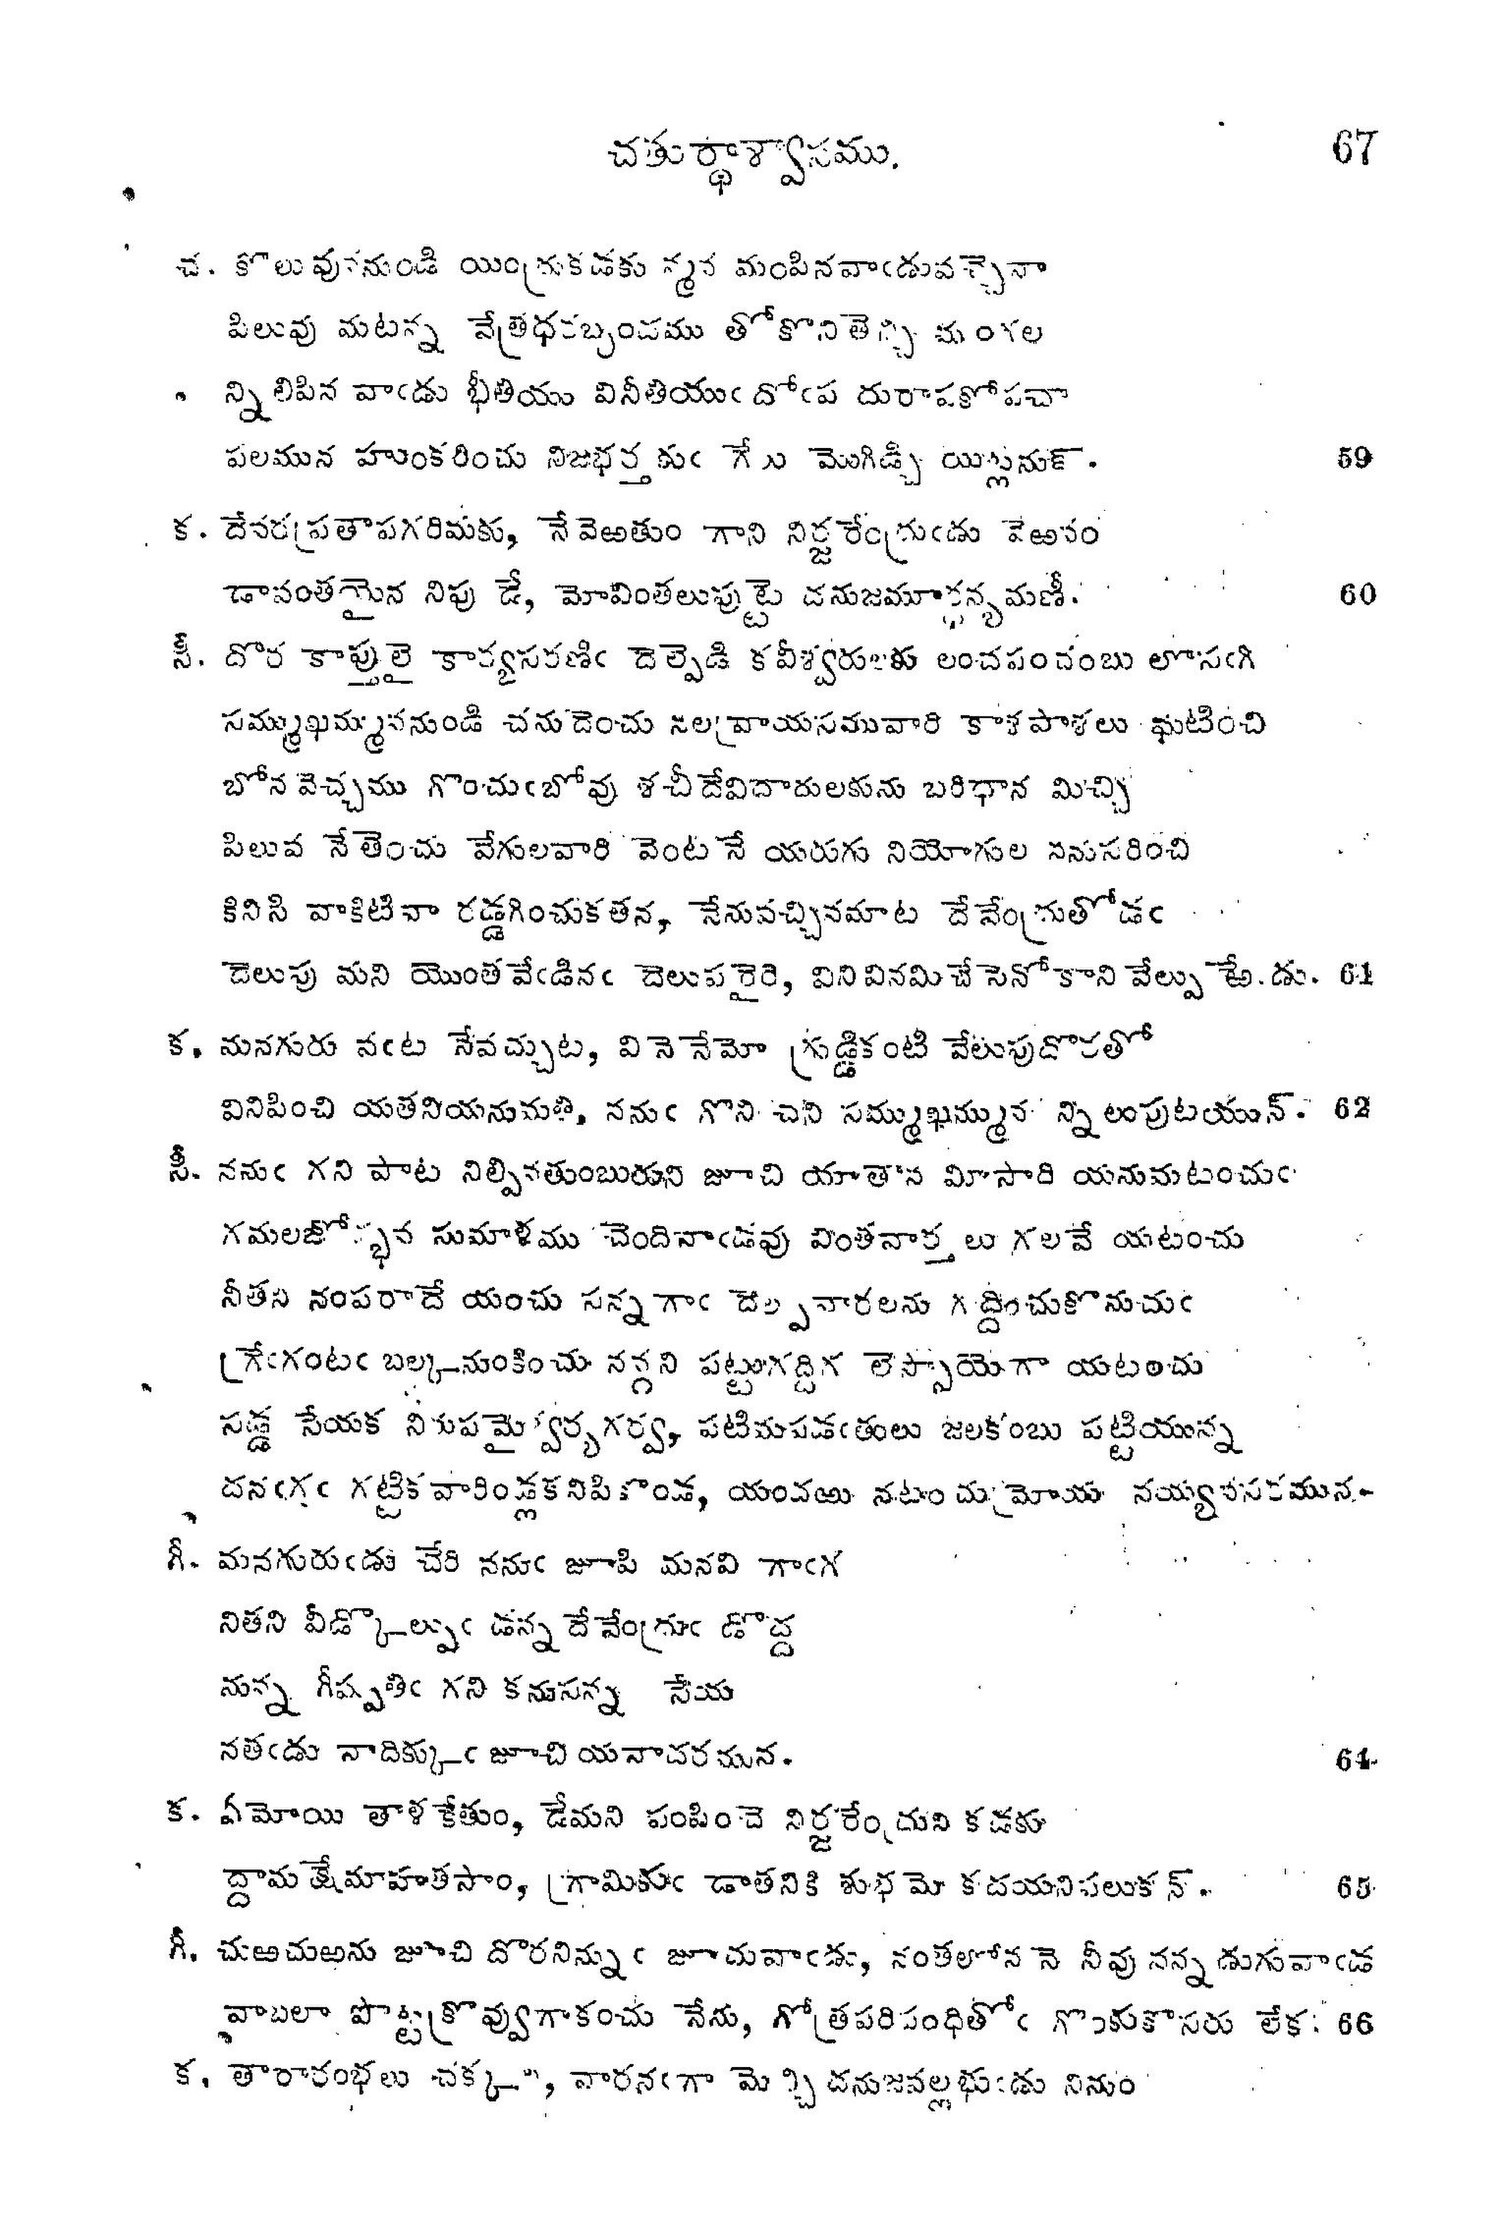చ. కొలువున నుండి యింద్రుకడకు న్మన మంపినవాఁడు వచ్చెనా
పిలువు మటన్న వేత్రధరబృందము తోకొనితెచ్చి ముంగల
న్నిలిపిన వాఁడు భీతియు వినీతియుఁ దోఁప దురాపకోపచా
పలమున హుంకరించు నిజభర్తకుఁ గేలు మొగిడ్చి యిట్లునున్.
క. దేవరప్రతాపగరిమకు, నే వెఱతుం గాని నిర్జరేంద్రుఁడు వెఱవం
డావంతయైన నిపు డే, మోవింతలు పుట్టె దనుజమూర్ధన్యమణీ.
సీ. దొర కాప్తులై కార్యసరణిఁ దెల్పెడి కవీశ్వరులకు లంచపంచంబు లొసఁగి
సమ్ముఖమ్ముననుండి చను దెంచు నలవ్రాయసమువారి కాశపాశలు ఘటించి
బోనవెచ్చము గొంచుఁబోవు శచీదేవిదారులకును బరిధాన మిచ్చి
పిలువ నేతెంచు వేగులవారివెంట నే యరుగు నియోగుల ననుసరించి
కినిసి వాకిటివా రడ్డగించుకతన, నేను వచ్చినమాట దేవేంద్రుతోడఁ
డెలుపు మని యెంత వేఁడినఁ దెలుపరైరి, విని వినమి చేసెనో కాని వేల్పుఱేడు.
క. మనగురు వఁట నే వచ్చుట, వినెనేమో గ్రుడ్డికంటి వేలుపుదొరతో
వినిపించి యతనియనుమతి, ననుఁ గొని చని సమ్ముఖమ్మున న్నిలుపుటయున్.
సీ. ననుఁ గని పాట నిల్పిన తుంబురుని జూచి యాతాన మీసారి యనుమటంచుఁ
గమలజోద్భవసుమాళము చెందినాఁడవు వింతవార్త లు గలవే యటంచు
నీతని నంపరాదే యంచు సన్నగాఁ దెల్ప వారలను గద్దించుకొనుచుఁ
గ్రేఁగంటఁ బల్కనుంకించు నన్గని పట్టుగద్దిగ లెస్సాయెగా యటంచు
సడ్డ సేయక నిరుపమైశ్వర్యగర్వ, పటిమ పడఁతులు జలకంబు పట్టియున్న
దనఁగఁ గట్టిక వారిండ్లకనిపికొండ, యంచఱు నటంచు మ్రోయ నయ్యవసరమున.
గీ. మనగురుఁడు చేరి ననుఁ జూపి మనవి గాఁగ
నితని వీడ్కొల్పుఁ డన్న దేవేంద్రుఁ డొద్ద
నున్న గీష్పతిఁ గని కనుసన్న సేయ
నతఁడు నాదిక్కుఁ జూచి యనాదరమున.
క. ఏమోయి తాళకేతుం, డేమని పంపించె నిర్జరేంద్రునికడ కు
ద్దామక్షేమాహతసాం, గ్రామికుఁ డాతనికి శుభమో కద యని పలుకన్.
గీ. చుఱచుఱను జూచి దొర నిన్నుఁ జూచువాఁడు, నంతలోననె నీవు న న్నడుగువాఁడ
వాబలా పొట్టక్రొవ్వుగా కంచు నేను, గోత్రపరిపంథితోఁ గొంకుకొసరు లేక.
క. తారారంభలు చక్కని, వా రనఁగా మెచ్చి దనుజువల్లభుఁడు నినుం